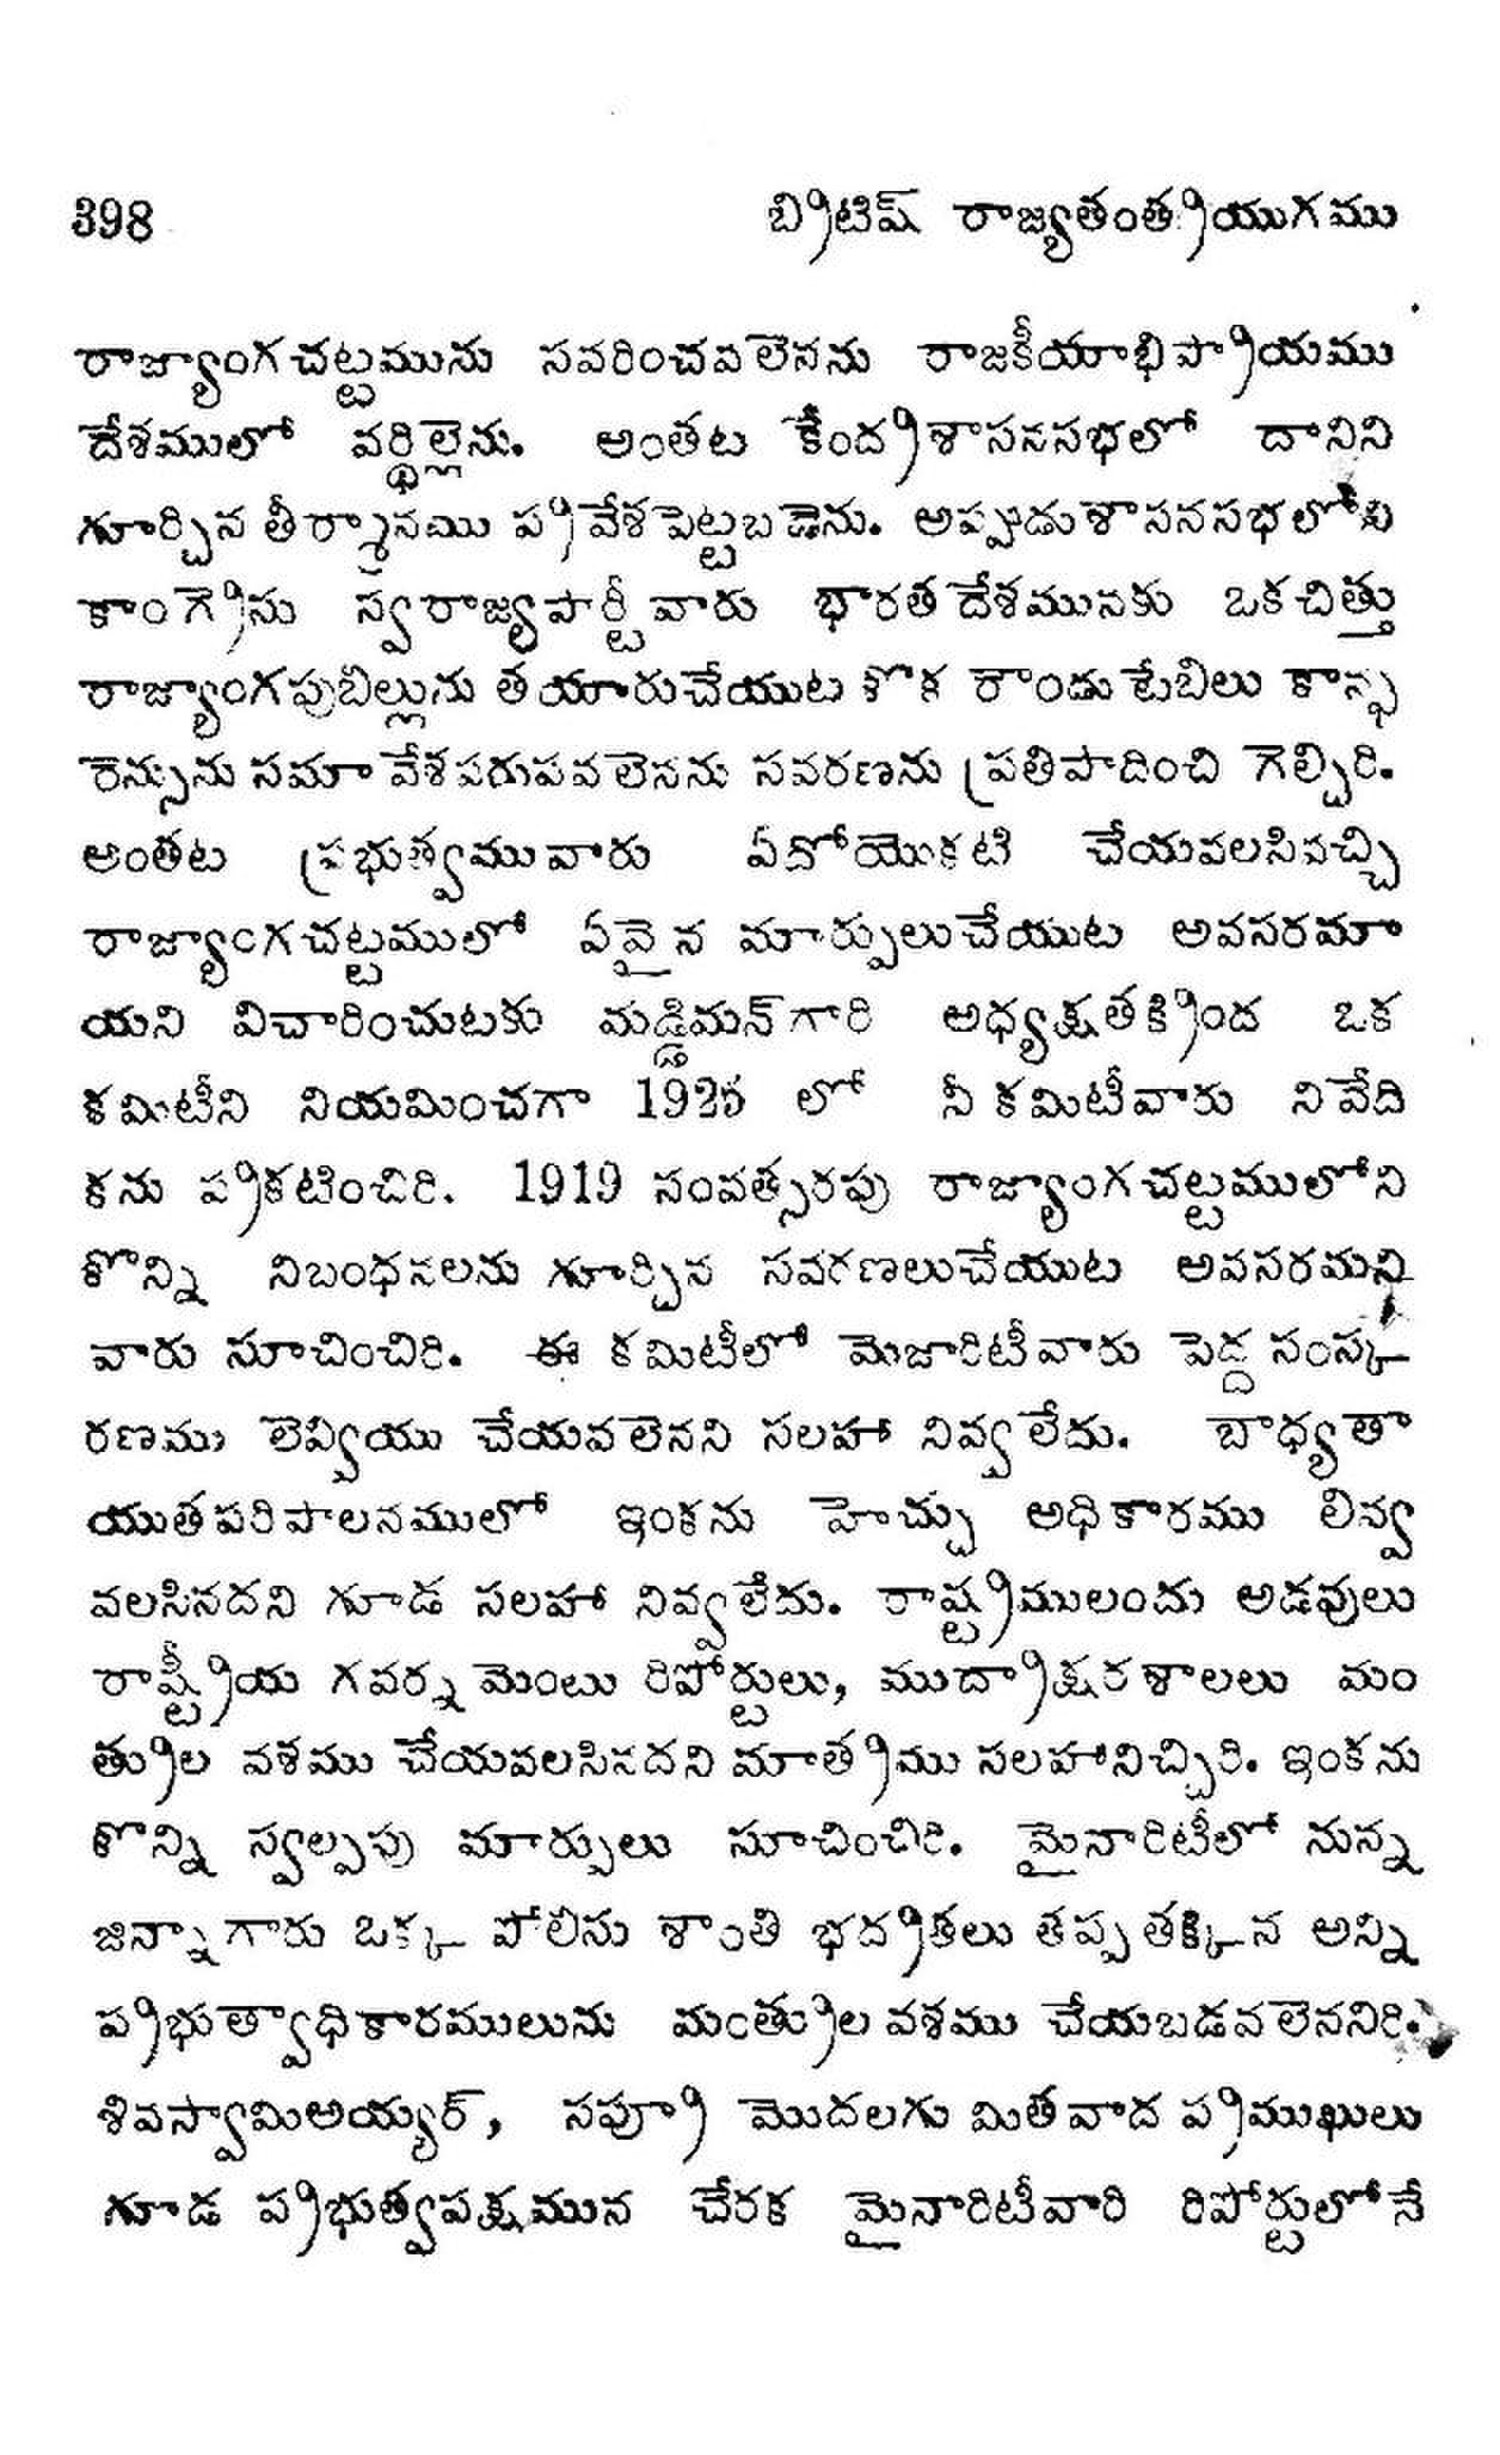రాజ్యాంగచట్టమును సవరించవలెనను రాజకీయాభిప్రాయము దేశములో వర్ధిల్లెను. అంతట కేంద్ర శాసనసభలో దానిని గూర్చిన తీర్మానము ప్రవేశపెట్టబడెను. అప్పుడు శాసనసభలోని కాంగ్రెను స్వరాజ్యపార్టీవారు భారతదేశమునకు ఒకచిత్తు రాజ్యాంగపుబిల్లును తయారుచేయుట కొక రౌండుటేబిలు కాన్ఫరెన్సును సమావేశపరుపవలెనను సవరణను ప్రతిపాదించి గెల్చిరి. అంతట ప్రభుత్వమువారు ఏదోయొకటి చేయవలసివచ్చి రాజ్యాంగచట్టములో ఏవైన మార్పులుచేయుట అవసరమా యని విచారించుటకు మడ్డిమన్ గారి అధ్యక్షతక్రింద ఒక కమిటీని నియమించగా 1925 లో నీకమిటీవారు నివేదికను ప్రకటించిరి. 1919 సంవత్సరపు రాజ్యాంగచట్టములోని కొన్ని నిబంధనలను గూర్చిన సవరణలుచేయుట అవసరమని వారు సూచించిరి. ఈ కమిటీలో మెజారిటీవారు పెద్ద సంస్కరణము లెవ్వియు చేయవలెనని సలహా నివ్వ లేదు. బాధ్యతాయుతపరిపాలనములో ఇంకను హెచ్చు అధికారము లివ్వవలసినదని గూడ సలహా నివ్వలేదు. రాష్ట్రములందు అడవులు రాష్ట్రీయ గవర్నమెంటు రిపోర్టులు, ముద్రాక్షరశాలలు మంత్రుల వశము చేయవలసినదని మాత్రము సలహానిచ్చిరి. ఇంకను కొన్ని స్వల్పపు మార్పులు సూచించిరి. మైనారిటీలో నున్న జిన్నాగారు ఒక్క పోలీసు శాంతి భద్రతలు తప్ప తక్కిన అన్ని ప్రభుత్వాధికారములును మంత్రులవశము చేయబడవలెననిరి. శివస్వామిఅయ్యర్ , సప్రూ మొదలగు మితవాద ప్రముఖులు గూడ ప్రభుత్వపక్షమున చేరక మైనారిటీవారి రిపోర్టులోనే